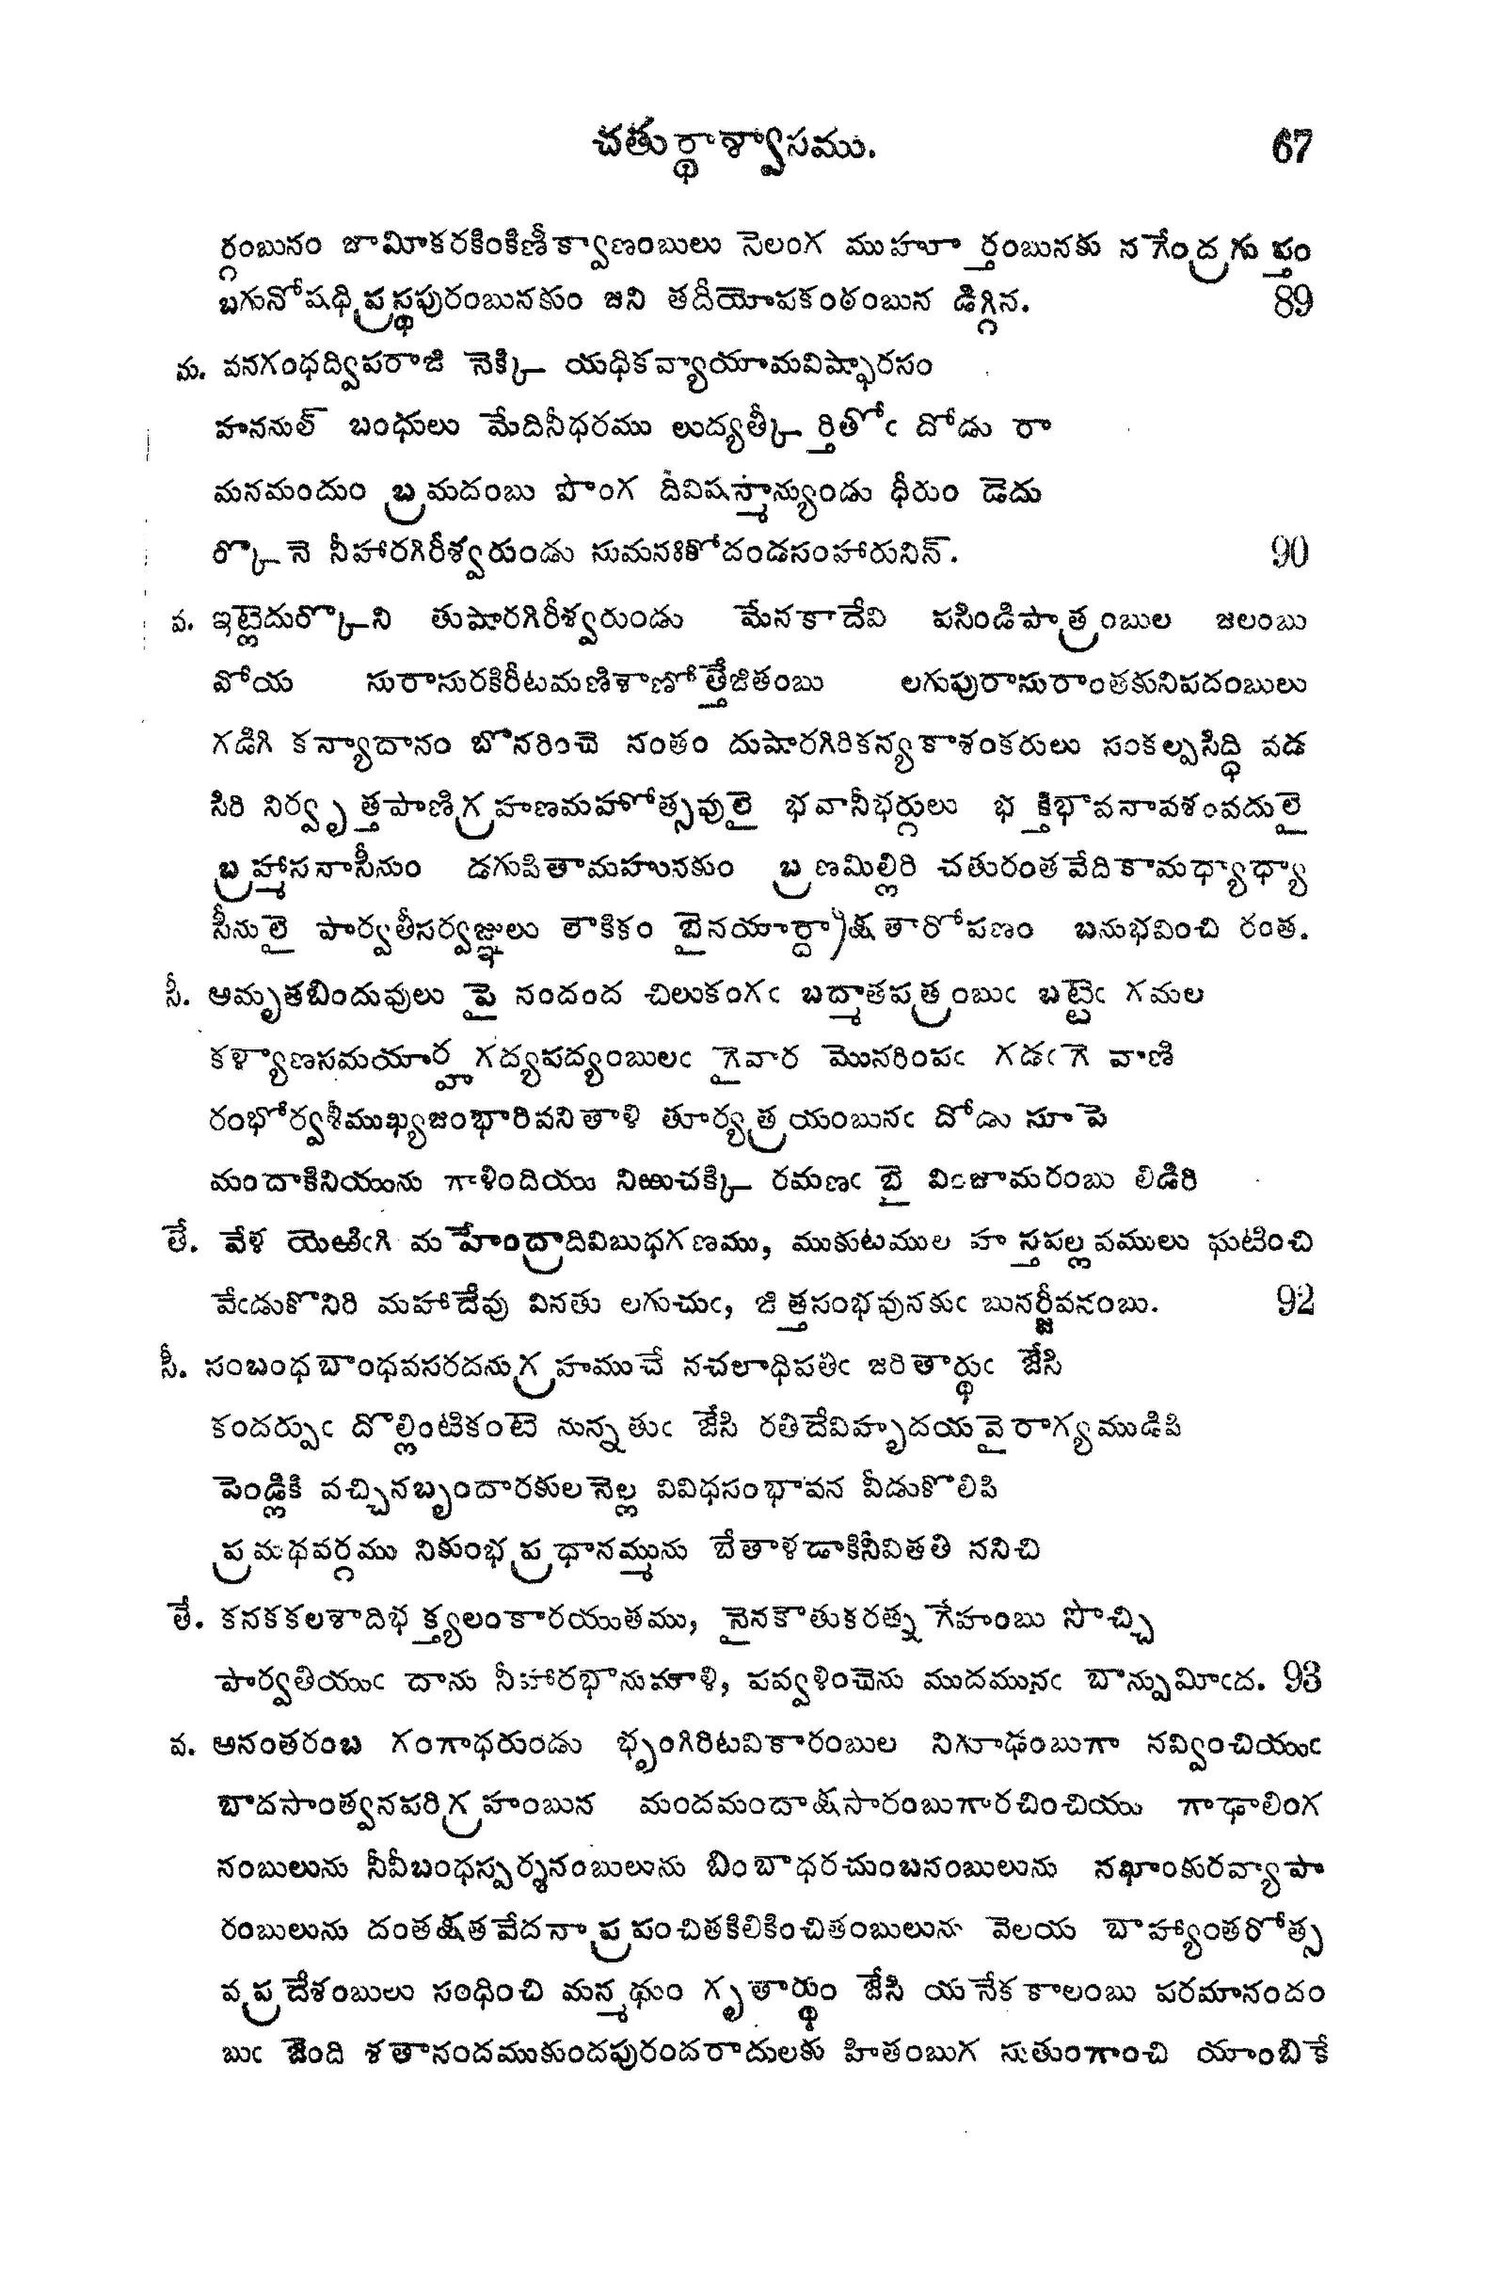రంబునం జామీకరకింకిణీక్వాణంబులు సెలంగ ముహూర్తంబునకు నగేంద్రగుప్తం బగునోషధిప్రస్థపురంబునకుం జని తదీయోపకంఠంబున డిగ్గిన. 89

మ. వనగంధద్విపరాజి నెక్కి యధికవ్యాయామవిష్ఫారసం
హననుల్ బంధులు మేదినీధరము లుద్యత్కీర్తితోఁ దోడు రా
మనమందుం బ్రమదంబు పొంగ దీవిషన్మాన్యుండు ధీరుం డెదు
ర్కొనె నీహారగిరీశ్వరుండు సుమనఃకోదండసంహారునిన్. 90

వ. ఇట్లెదుర్కొని తుషారగిరీశ్వరుండు మేనకాదేవి పసిండిపాత్రంబుల జలంబు వోయ సురాసురకిరీటమణిశాణోత్తేజితంబు లగుపురాసురాంతకునిపదంబులు గడిగి కన్యాదానం బొనరించె నంతం దుషారగిరికన్యకాశంకరులు సంకల్పసిద్ధి వడసిరి నిర్వృత్తపాణిగ్రహణమహోత్సవులై భవానీభర్గులు భక్తిభావనావశంవదులై బ్రహ్మాసనాసీనుం డగుపితామహునకుం బ్రణమిల్లిరి చతురంతవేదికామధ్యాధ్యాసీనులై పార్వతీసర్వజ్ఞులు లౌకికం బైనయార్ద్రాక్షతారోపణం బనుభవించి రంత. 91

సీ. అమృతబిందువులు పై నందంద చిలుకంగఁ బద్మాతపత్రంబుఁ బట్టెఁ గమల
కళ్యాణసమయార్హగద్యపద్యంబులఁ గైవార మొనరింపఁ గడఁగె వాణి
రంభోర్వశీముఖ్యజంభారివనితాళి తూర్యత్రయంబునఁ దోడు సూపె
మందాకినియును గాళిందియు నిఱుచక్కి రమణఁ బై వింజామరంబు లిడిరి
తే. వేళ యెఱిఁగి మహేంద్రాదివిబుధగణము, ముకుటముల హస్తపల్లవములు ఘటించి
వేఁడుకొనిరి మహాదేవు వినతు లగుచుఁ, జిత్తసంభవునకుఁ బునర్జీవనంబు. 92

సీ. సంబంధబాంధవసరదనుగ్రహముచే నచలాధిపతిఁ జరితార్థుఁ జేసి
కందర్పుఁ దొల్లింటికంటె నున్నతుఁ జేసి రతిదేవిహృదయవైరాగ్య ముడిపి
పెండ్లికి వచ్చిన బృందారకుల నెల్ల వివిధసంభావన వీడుకొలిపి
ప్రమథవర్గము నికుంభప్రధానమ్మును బేతాళడాకినీవితతి ననిచి
తే. కనకకలశాదిభక్త్యలంకారయుతము, నైనకౌతుకరత్నగేహంబు సొచ్చి
పార్వతియుఁ దాను నీహారభానుమాళి, పవ్వళించెను ముదమునఁ బాన్పుమీఁద. 98
 
వ. అనంతరంబ గంగాధరుండు భృంగిరిటవికారంబుల నిగూఢంబుగా నవ్వించియుఁ బాదసాంత్వనపరిగ్రహంబున మందమందాక్షసారంబుగా రచించియు గాఢాలింగనంబులును నీవీబంధస్పర్శనంబులును బింబాధరచుంబనంబులును నఖాంకురవ్యాపారంబులును దంతక్షతవేదనాప్రపంచితకిలికించితంబులును వెలయ బాహ్యాంతరోత్సవప్రదేశంబులు సంధించి మన్మథుం గృతార్థుం జేసి యనేక కాలంబు పరమానందంబుఁ జెంది శతానందముకుందపురందరాదులకు హితంబుగ సుతుం గాంచి యాంబికే